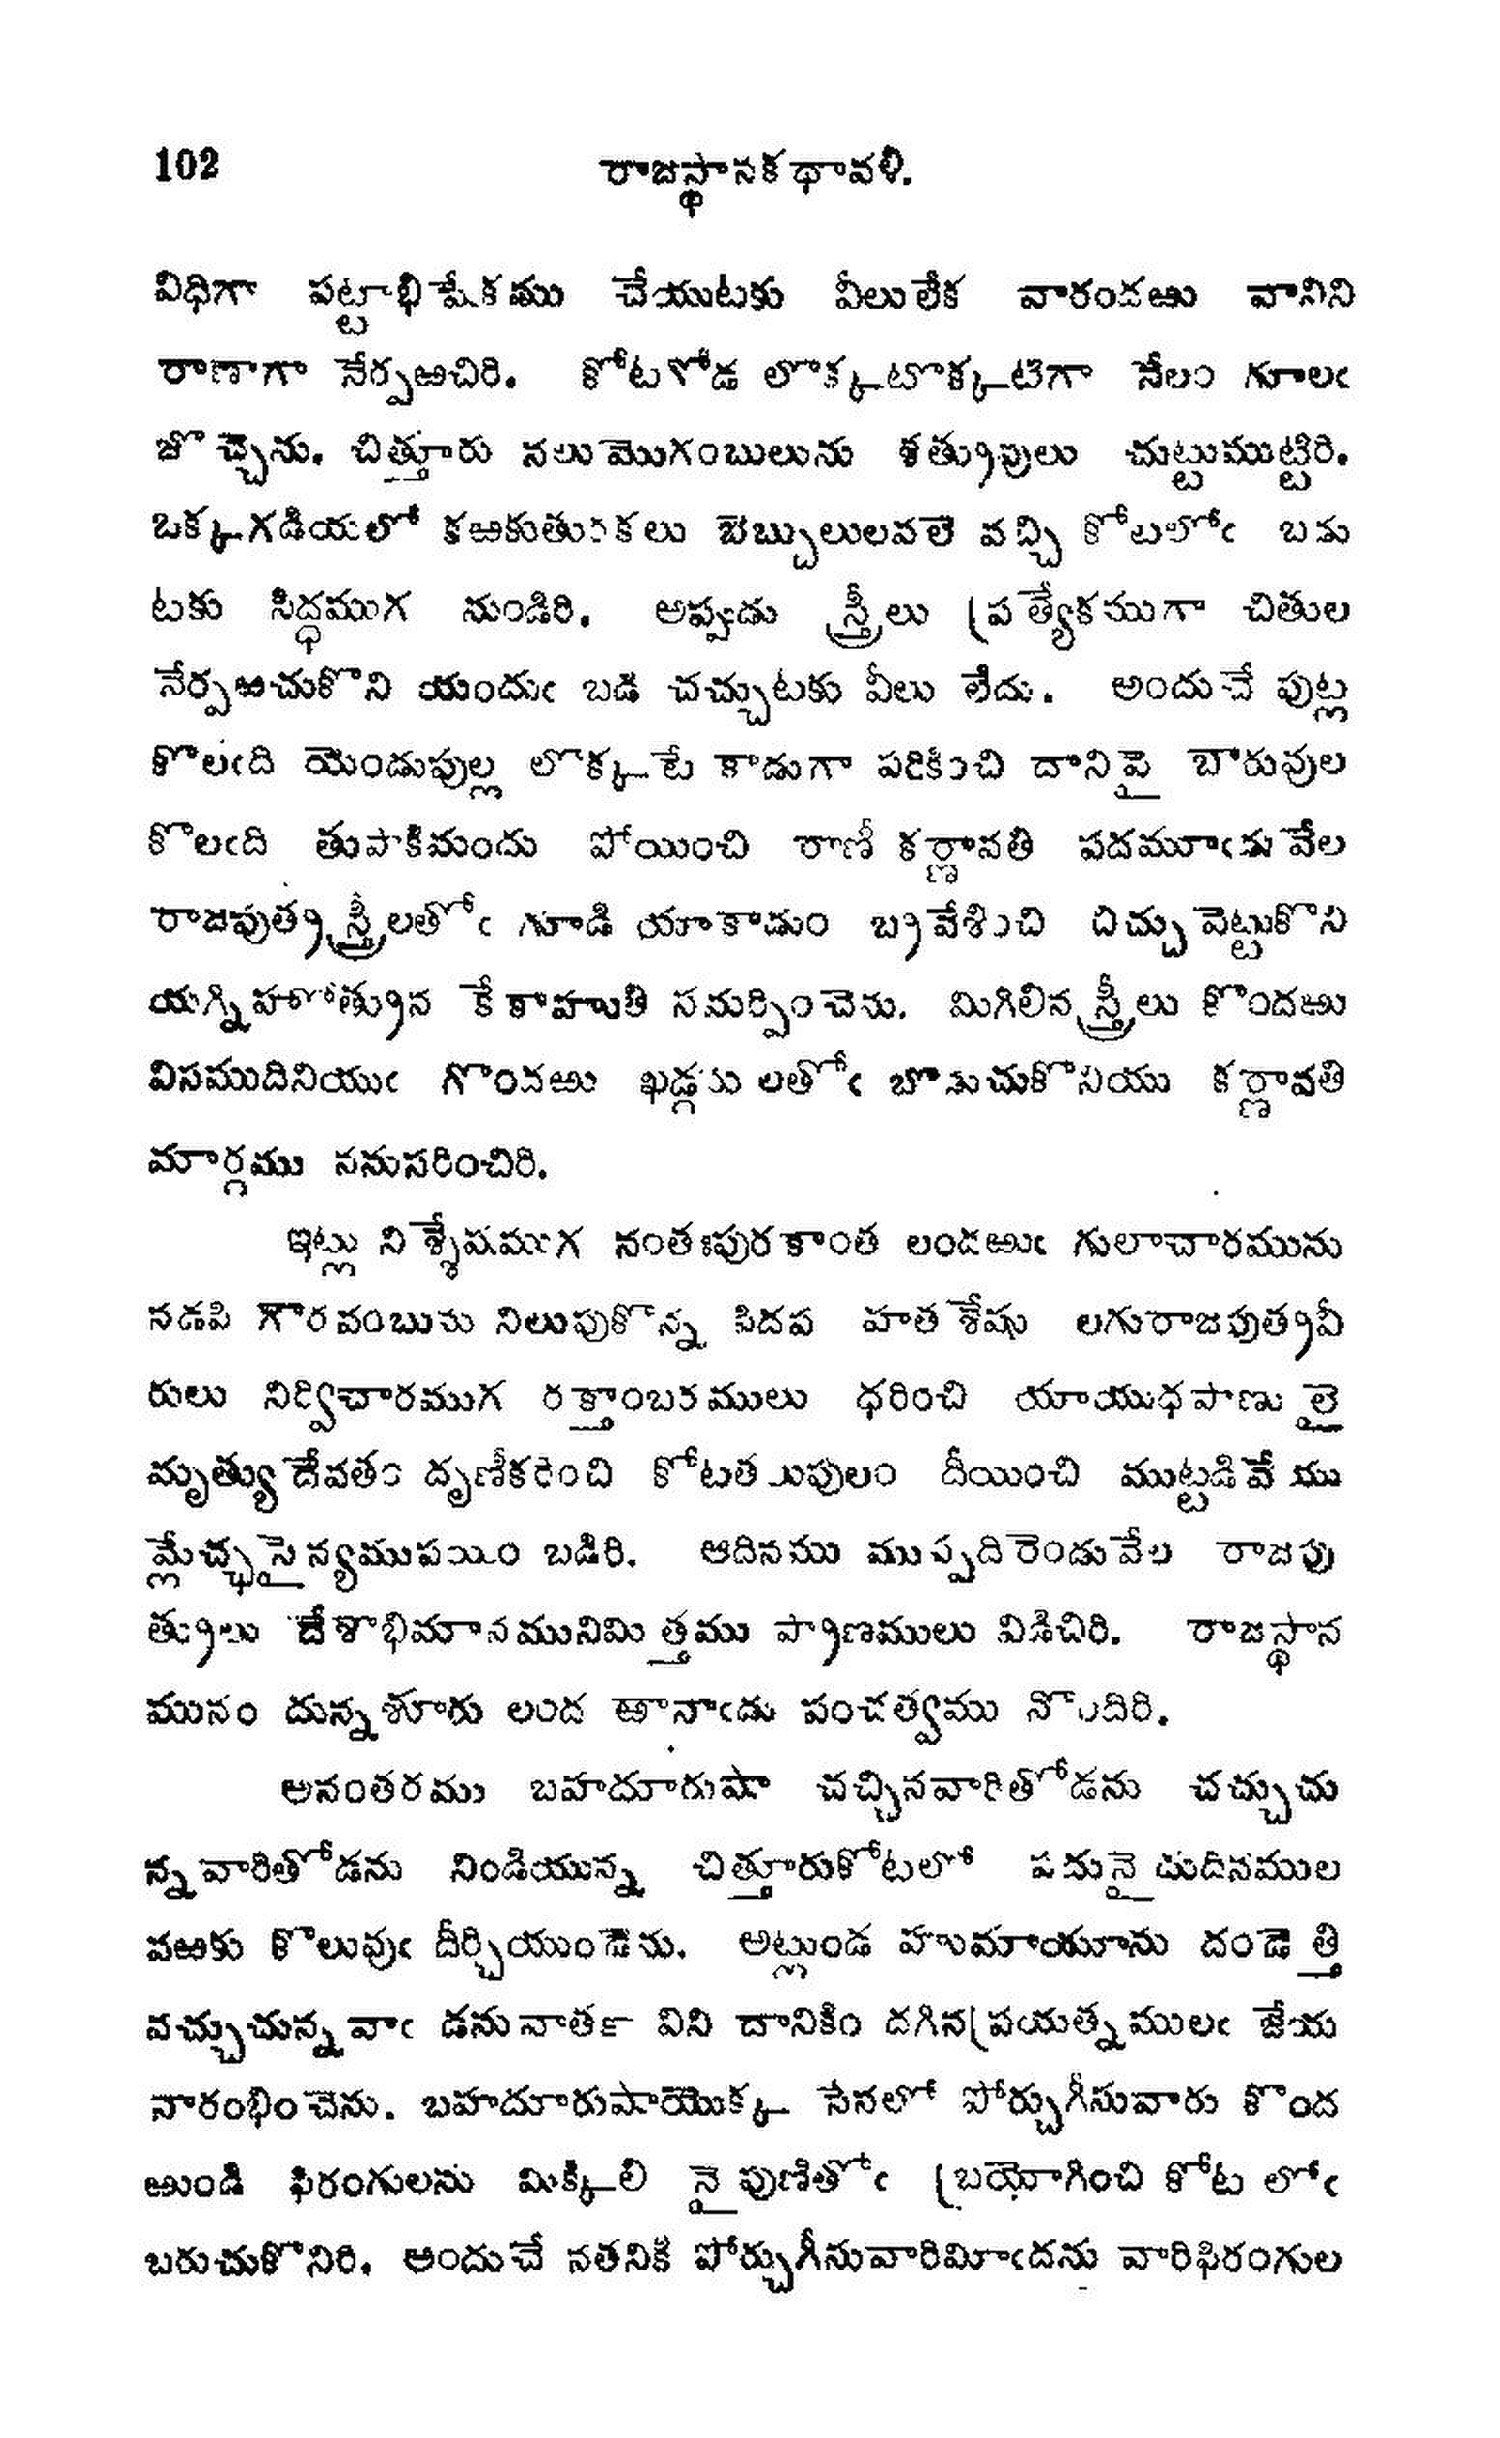విధిగా పట్టాభిషేకము చేయుటకు వీలులేక వారండఱు వానిని రాణాగా నేర్పఱచిరి. కోటగోడ లొక్కటొక్కటిగా నేలం గూలఁ జొచ్చెను. చిత్తూరు నలు మొగంబులును శత్రువులు చుట్టుముట్టిరి. ఒక్క గడియలో కఱకుతురకలు బెబ్బులులవలే వచ్చి కోటలోఁ బడుటకు సిద్ధముగ నుండిరి. అప్పుడు స్త్రీలు ప్రత్యేకముగా చితుల నేర్పఱచుకొని యందుఁ బడి చచ్చుటకు వీలు లేదు. అందుచే పుట్లకొలఁది యెండుపుల్ల లొక్కటే కాడుగా పరికించి దానిపై బారువుల కొలఁది తుపాకిమందు పోయించి రాణీ కర్ణానతి పదమూఁడు వేల రాజపుత్ర స్త్రీలతోఁ గూడి యాకాడుం బ్రవేశించి చిచ్చు పెట్టుకొని యగ్ని హోత్రున కేకాహుతి సమర్పించెను. మిగిలిన స్త్రీలు కొందఱు విసముదినియుఁ గొందఱు ఖడ్గములతోఁ బొడుచుకొనియు కర్ణావతి మార్గము ననుసరించిరి.

ఇట్లు నిశ్శేషషఃగ నంతఃపుర కాంత లందఱుఁ గులాచారమును నడపి గౌరవంబును నిలుపుకొన్న పిదప హతశేషు లగు రాజపుత్రవీరులు నిర్విచారముగ రక్తాంబరములు ధరించి యాయుధపాణు లై మృత్యు దేవతం దృణీకరించి కోటతలుపులం దీయించి ముట్టడివేయు మ్లేచ్ఛ సైన్యముపయిం బడిరి. ఆదినము ముప్పది రెండు వేల రాజపుత్రులు దేశాభిమానమునిమిత్తము ప్రాణములు విడిచిరి. రాజస్థానమునం దున్నశూరు లంద ఱానాఁడు పంచత్వము నొందిరి.

అనంతరము బహదూరుషా చచ్చినవారితోడను చచ్చుచున్న వారితోడను నిండియున్న చిత్తూరుకోటలో పదునైదుదినముల వఱకు కొలువుఁ దీర్చియుండెను. అట్లుండ హుమాయూను దండెత్తి వచ్చుచున్న వాఁడను వాత౯ విని దానికిం దగిన ప్రయత్నములఁ జేయ నారంభించెను. బహదూరుషాయొక్క సేనలో పోర్చుగీసువారు కొందఱుండి ఫిరంగులను మిక్కిలి నైపుణితోఁ బ్రయోగించి కోటలోఁ బరుచుకొనిరి. అందుచే నతనికి పోర్చుగీసు వారిమీఁదను వారి ఫిరంగుల